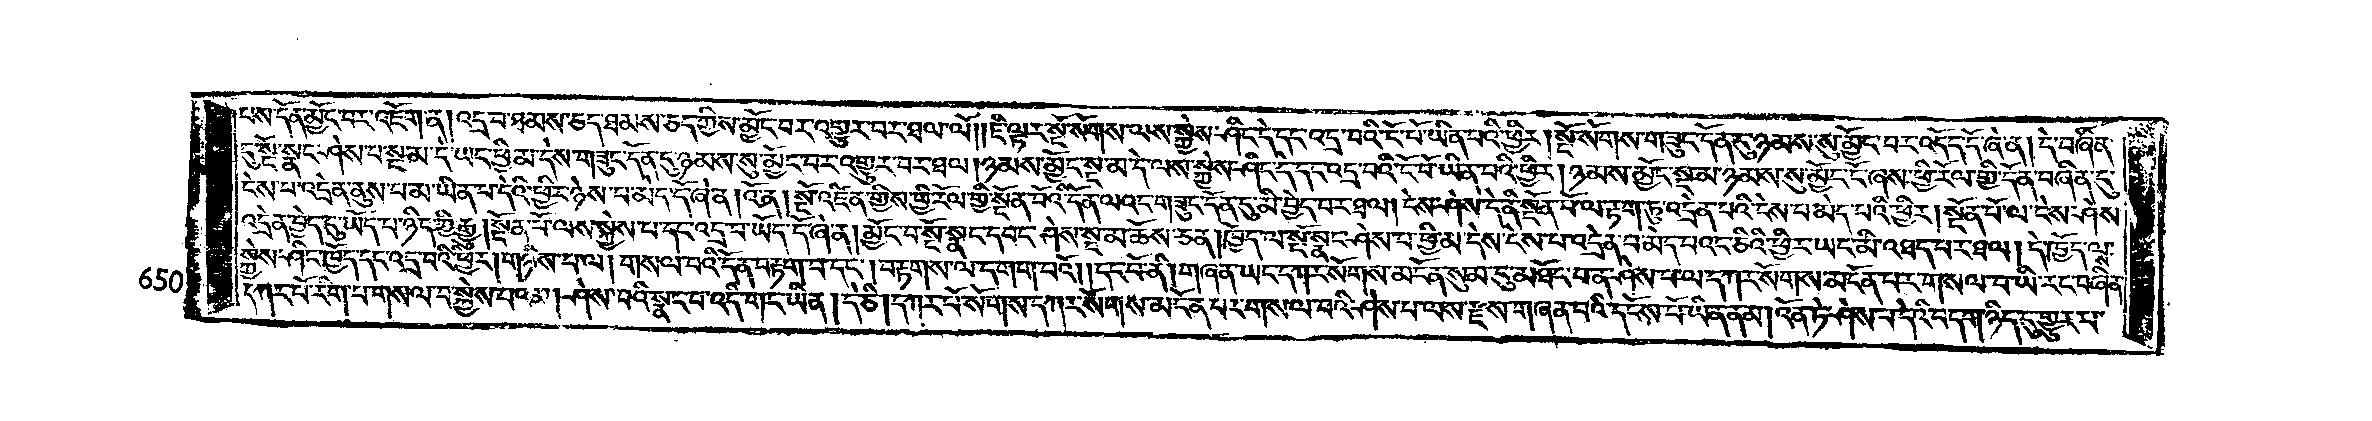པས་དོན་མྱོང་བར་འཇོག་ན། འདྲ་བ་ཐམས་ཅད་ཐམས་ཅད་ཀྱི་ས་མྱོང་བར་འགྱུར་བར་ཐལ་ལོ། །ཇི་ལྟར་སྔོ་སོགས་ལས་སྐྱེས་ཤིང་དེ་དང་འདྲ་བའི་ངོ་པོ་ཡིན་པའི་ཕྱིར། སྔོ་སོགས་གཟུང་དོན་དུ་ཉམས་སུ་མྱོང་བར་འདོད་དོ་ཞེ་ན། དེ་བཞིན་
དུ་སྔོ་སྣང་ཤེས་པ་སྔ་མ་དེ་ཡང་ཕྱི་མ་དེས་གཟུང་དོན་དུ་ཉམས་སུ་མྱོང་བར་འགྱུར་བར་ཐལ། ཉམས་མྱོང་སྔ་མ་དེ་ལས་སྐྱེས་ཤིང་དེ་དང་འདྲ་བའི་ངོ་པོ་ཡིན་པའི་ཕྱིར། ཉམས་མྱོང་སྔ་མ་ཉམས་སུ་མྱོང་ངོ་ཞས་ཕྱི་རོལ་གྱི་དོན་བཞིན་དུ་
ངེས་པ་འདྲེན་ནུས་པ་མ་ཡིན་པ་དེའི་ཕྱིར་ཉེས་པ་མེད་དོ་ཞེ་ན། འོ་ན། སྔོ་འཛིན་གྱིས་ཕྱི་རོལ་གྱི་སྔོན་པོའི་དོན་ལའང་གཟུང་དོན་དུ་མི་བྱེད་པར་ཐལ། ངས་ཤེས་དེ་ནི་སྔོན་པོ་ལ་རྟག་ཏུ་འདྲེན་པའི་ངེས་པ་མེད་པའི་ཕྱིར། སྔོན་པོ་ལ་ངེས་ཤེས་
འདྲེན་བྱེད་དུ་ཡོད་པ་ཉིད་ཀྱི་རྒྱུ། སྔོན་པོ་ལས་སྐྱེས་པ་དང་འདྲ་བ་ཡོད་དོ་ཞེ་ན། མྱོང་བ་སྔོ་སྣང་དབང་ཤེས་སྔ་མ་ཆོས་ཅན། ཁྱོད་ལ་སྔོ་སྣང་ཤེས་པ་ཕྱི་མ་དེས་ངེས་པ་འདྲེན་པ་མེད་པའང་ཅིའི་ཕྱིར་ཡང་མི་འཐད་པར་ཐལ། །དེ་ཁྱོད་ལས་
སྐྱེས་ཤིང་ཁྱོད་དང་འདྲ་བའི་ཕྱིར། གཉིས་པ་ལ། གསལ་བའི་དོན་བརྟག་པ་དང་། བརྟགས་ལ་དགག་པའོ། །དང་པོ་ནི། གཞན་ཡང་དཀར་སོགས་མངོན་སུམ་དུ་མཐོང་བ་ན་ཤེས་པ་ལ་དཀར་སོགས་མངོན་པར་གསལ་བ་ཡི་རང་བཞིན་
དཀར་པོ་རིག་པ་གསལ་བ་སྐྱེས་པའམ། ཤེས་པའི་སྣང་བ་འདི་གང་ཡིན། དེ་ཅི། དཀར་པོ་སོགས་དཀར་སོགས་མངོན་པར་གསལ་བའི་ཤེས་པ་ལས་རྫས་གཞན་པའི་དངོས་པོ་ཡིན་ནམ། འོན་ཏེ་ཤེས་པ་དེའི་བདག་ཉིད་དུ་གྱུར་པ་